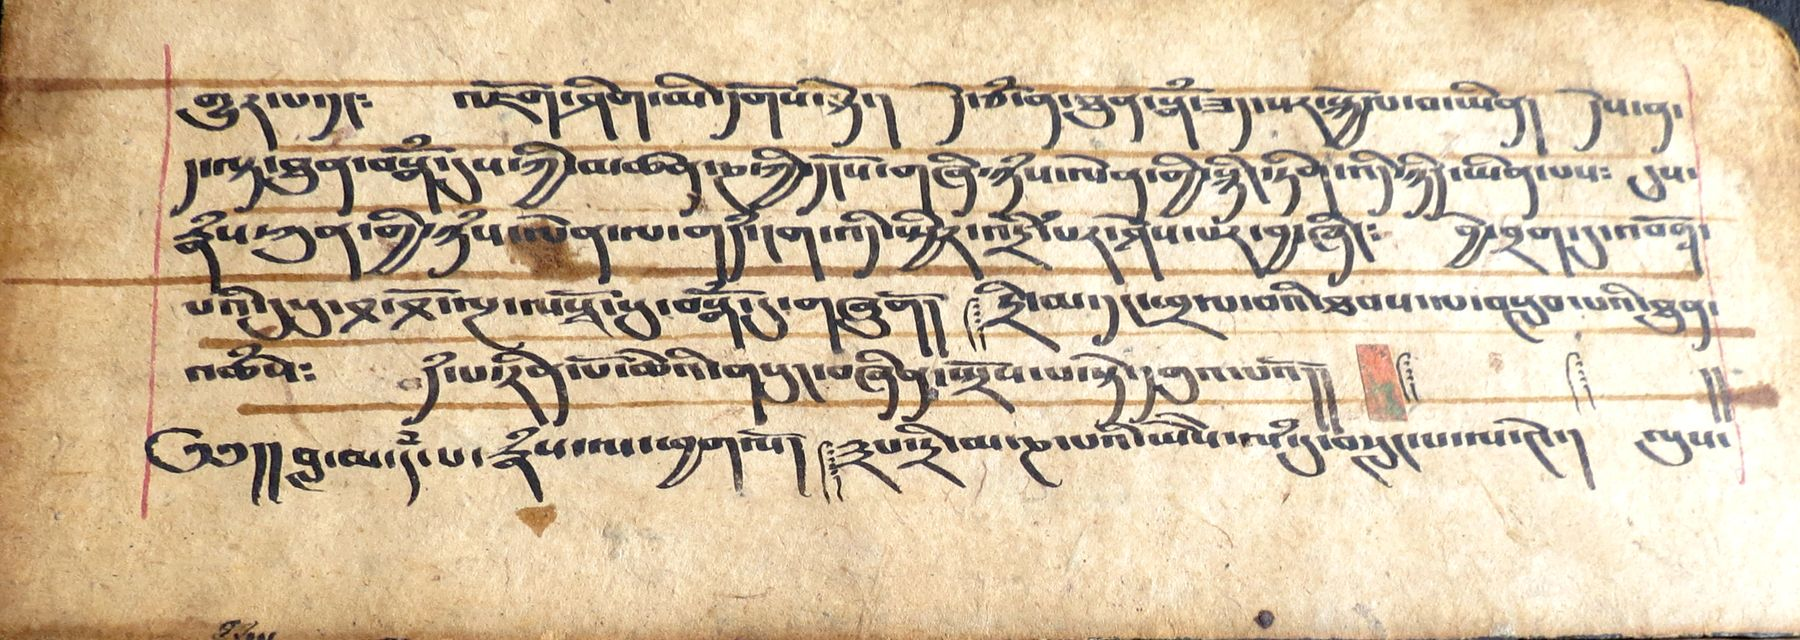གྱུར་པ་དང་། འཇོག་བཤིག་མི་དགོས་ཏེ། དེ་ཙམ་ན་ཐུན་སྒོམ་ཟད་སར་སྐྱོལ་བ་ཡིན། དེས་ན་
ད་ལྟ་ཐུན་སྒོམ་དུས་ཀྱི་མཚན་མེད་ཀྱི་དངོས་གཞི་ཉམས་ལེན་གྱི་སྙིང་ཏིག་འདི་ཉིད་ཡིན་པས། དུས་
རྣམ་ཀུན་གྱི་ཉམས་ལེན་ལ་གདམས་ངག་འདི་སྤྱིར་འདྲིལ་པར་ཤེས་པར་བྱ་ཞིང་། བྱེ་བྲག་ཏུ་འབོག་
པའི་དུས་སུ་ནི་བཅུ་བཅོ་ལྔ་ལ་སོགས་སུ་བསྒོམ་དུ་གཞུག་གོ། དྲི་མ་དང་བྲལ་བའི་ཐབས་ལ་བསླབ་པའི་ཐུན་
མཚམས། དམ་པ་རིན་པོ་ཆེའི་གསུང་བཞིན། སྤྲོས་པ་སྟེ་དགུ་པའོ། ། 
།། བླ་མ་དམ་པ་རྣམས་ལ་ཕྱག་འཚལ་ལོ། གསུམ་པ་དྲི་མ་མེད་པའི་ཡེ་ཤེས་ལམ་དུ་བསླང་བ་ལ་བཞི་སྟེ། ལུས་